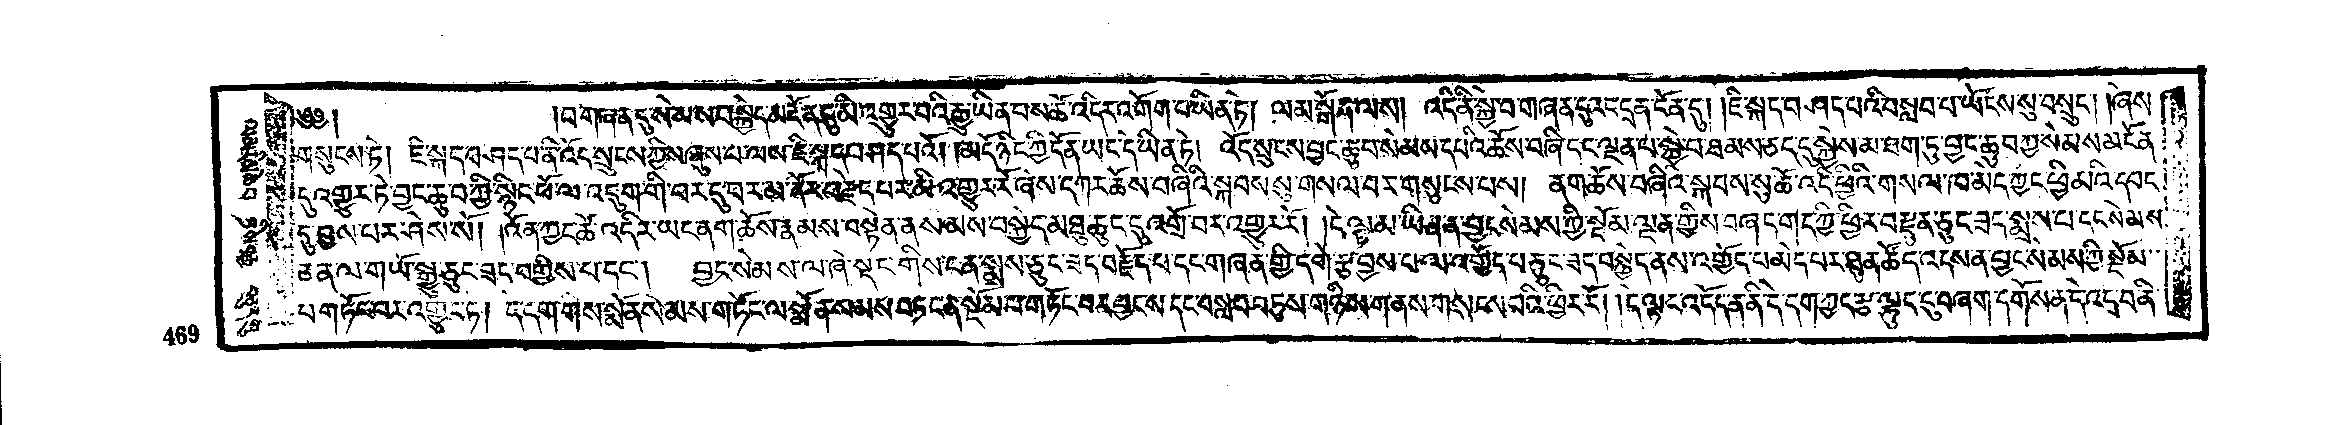༄༅། །བ་གཞན་དུ་སེམས་བསྐྱེད་མངོན་དུ་མི་འགྱུར་བའི་རྒྱུ་ཡིན་པས་ཚེ་འདིར་འགོག་པ་ཡིན་ཏེ། ལམ་སྒྲོན་ལས། འདི་ནི་སྐྱེ་བ་གཞན་དུའང་དྲན་དོན་དུ། །ཇི་སྐད་བཤད་པའི་བསླབ་པ་ཡོངས་སུ་བསྲུང་། །ཞེས་
གསུངས་ཏེ། ཇི་སྐད་བཤད་པ་ནི་འོད་སྲུངས་ཀྱིས་ཞུས་པ་ལས་ཇི་སྐད་བཤད་པའོ། །མདོ་ཉིད་ཀྱི་དོན་ཡང་དེ་ཡིན་ཏེ། འོད་སྲུངས་བྱང་ཆུབ་སེམས་དཔའ་ཆོས་བཞི་དང་ལྡན་པ་སྐྱེ་བ་ཐམས་ཅད་དུ་སྐྱེས་མ་ཐག་ཏུ་བྱང་ཆུབ་ཀྱི་སེམས་མངོན་
དུ་འགྱུར་ཏེ་བྱང་ཆུབ་ཀྱི་སྙིང་པོ་ལ་འདུག་གི་བར་དུ་བར་མ་དོར་བརྗེད་པར་མི་འགྱུར་རོ་ཞེས་དཀར་ཆོས་བཞིའི་སྐབས་སུ་གསལ་བར་གསུངས་པས། ནག་ཆོས་བཞིའི་སྐབས་སུ་ཚེ་འདི་ཕྱིའི་གསལ་ཁ་མེད་ཀྱང་ཕྱི་མའི་དབང་
དུ་བྱས་པར་ཤེས་སོ། །འོན་ཀྱང་ཚེ་འདིར་ཡང་ནག་ཆོས་རྣམས་བསྟེན་ན་སེམས་བསྐྱེད་མཐུ་ཆུང་དུ་འགྲོ་བར་འགྱུར་རོ། །དེ་ལྟ་མ་ཡིན་ན་བྱང་སེམས་ཀྱི་སྡོམ་ལྡན་གྱིས་བཞད་གད་ཀྱི་ཕྱིར་བརྫུན་ཅུང་ཟད་སྨྲས་པ་དང་སེམས་
ཅན་ལ་གཡོ་སྒྱུ་ཅུང་ཟད་བགྱིས་པ་དང་། བྱང་སེམས་ལ་ཞེ་སྡང་གིས་ངན་སྨྲས་ཅུང་ཟད་བརྗོད་པ་དང་གཞན་གྱི་དགེ་རྩ་བྱས་པ་ལ་འགྱོད་པ་ཅུང་ཟད་བསྐྱེད་ནས་འགྱོད་པ་མེད་པར་ཐུན་ཚོད་འདས་ན་བྱང་སེམས་ཀྱི་སྡོམ་
པ་གཏོང་བར་འགྱུར་ཏེ། དེ་དག་གིས་སྨོན་སེམས་གཏོང་ལ་སྨོན་སེམས་བཏང་ན་སྡོམ་པ་གཏོང་བར་བྱང་ས་དང་བསླབ་བཏུས་གཉིས་ཀ་ནས་གསུངས་པའི་ཕྱིར་རོ། །དེ་ལྟར་འདོད་ན་ནི་དེ་དག་ཀྱང་རྩ་ལྟུང་དུ་བཞག་དགོས་ན་དེ་འདྲ་བ་ནི་